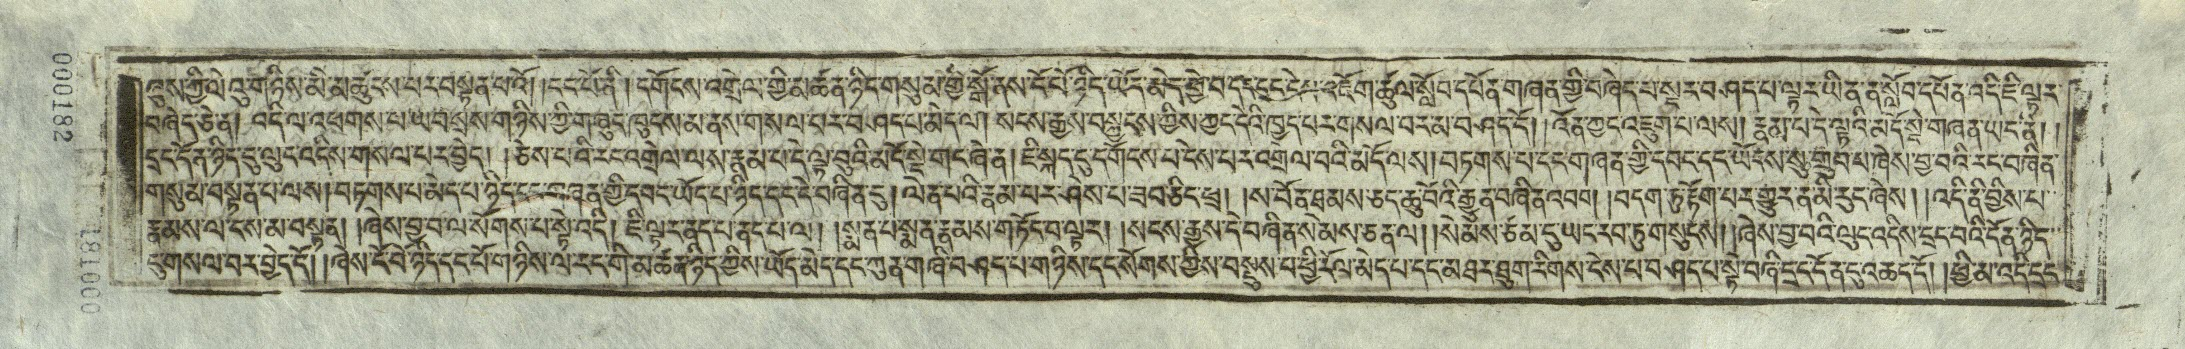ཞུས་ཀྱི་ལེའུ་གཉིས་མི་མཚུངས་པར་བསྟན་པའོ། །དང་པོ་ནི། དགོངས་འགྲེལ་གྱི་མཚན་ཉིད་གསུམ་གྱི་སྒོ་ནས་ངོ་བོ་ཉིད་ཡོད་མེད་ཕྱེ་བ་དང་དྲང་ངེས་འཇོག་ཚུལ་སློབ་དཔོན་གཞན་གྱི་བཞེད་པ་སྔར་བཤད་པ་ལྟར་ཡིན་ན་སློབ་དཔོན་འདི་ཇི་ལྟར་
བཞེད་ཅེ་ན། འདི་ལ་འཕགས་པ་ཡབ་སྲས་གཉིས་ཀྱི་གཞུང་ཁུངས་མ་ནས་གསལ་བར་བཤད་པ་མེད་ལ། སངས་རྒྱས་བསྐྱངས་ཀྱིས་ཀྱང་དེའི་ཁྱད་པར་གསལ་བར་མ་བཤད་དོ། །འོན་ཀྱང་འཇུག་པ་ལས། རྣམ་པ་དེ་ལྟའི་མདོ་སྡེ་གཞན་ཡང་ནི། །
དྲང་དོན་ཉིད་དུ་ལུང་འདིས་གསལ་པར་བྱེད། །ཅེས་པའི་རང་འགྲེལ་ལས་རྣམ་པ་དེ་ལྟ་བུའི་མདོ་སྡེ་གང་ཞེ་ན། ཇི་སྐད་དུ་དགོངས་པ་ངེས་པར་འགྲེལ་བའི་མདོ་ལས། བཏགས་པ་དང་གཞན་གྱི་དབང་དང་ཡོངས་སུ་གྲུབ་པ་ཞེས་བྱ་བའི་རང་བཞིན་
གསུམ་བསྟན་པ་ལས། བཏགས་པ་མེད་པ་ཉིད་དང་གཞན་གྱི་དབང་ཡོད་པ་ཉིད་དང་དེ་བཞིན་དུ། ལེན་པའི་རྣམ་པར་ཤེས་པ་ཟབ་ཅིང་ཕྲ། །ས་བོན་ཐམས་ཅད་ཆུ་བོའི་རྒྱུན་བཞིན་འབབ། །བདག་ཏུ་རྟོག་པར་གྱུར་ན་མི་རུང་ཞེས། །འདི་ནི་བྱིས་པ་
རྣམས་ལ་ངས་མ་བསྟན། །ཞེས་བྱ་བ་ལ་སོགས་པ་སྟེ་འདི། ཇི་ལྟར་ནད་པ་ནད་པ་ལ། །སྨན་པ་སྨན་རྣམས་གཏོང་བ་ལྟར། །སངས་རྒྱས་དེ་བཞིན་སེམས་ཅན་ལ། །སེམས་ཙམ་དུ་ཡང་རབ་ཏུ་གསུངས། །ཞེས་བྱ་བའི་ལུང་འདིས་དྲང་བའི་དོན་ཉིད་
དུ་གསལ་བར་བྱེད་དོ། །ཞེས་ངོ་བོ་ཉིད་དང་པོ་གཉིས་ལ་རང་གི་མཚན་ཉིད་ཀྱིས་ཡོད་མེད་དང་ཀུན་གཞི་བཤད་པ་གཉིས་དང་སོགས་ཀྱིས་བསྡུས་པ་ཕྱི་རོལ་མེད་པ་དང་མཐར་ཐུག་རིགས་ངེས་པ་བཤད་པ་སྟེ་བཞི་དྲང་དོན་དུ་འཆད་དོ། །ཕྱི་མ་འདི་དྲང་